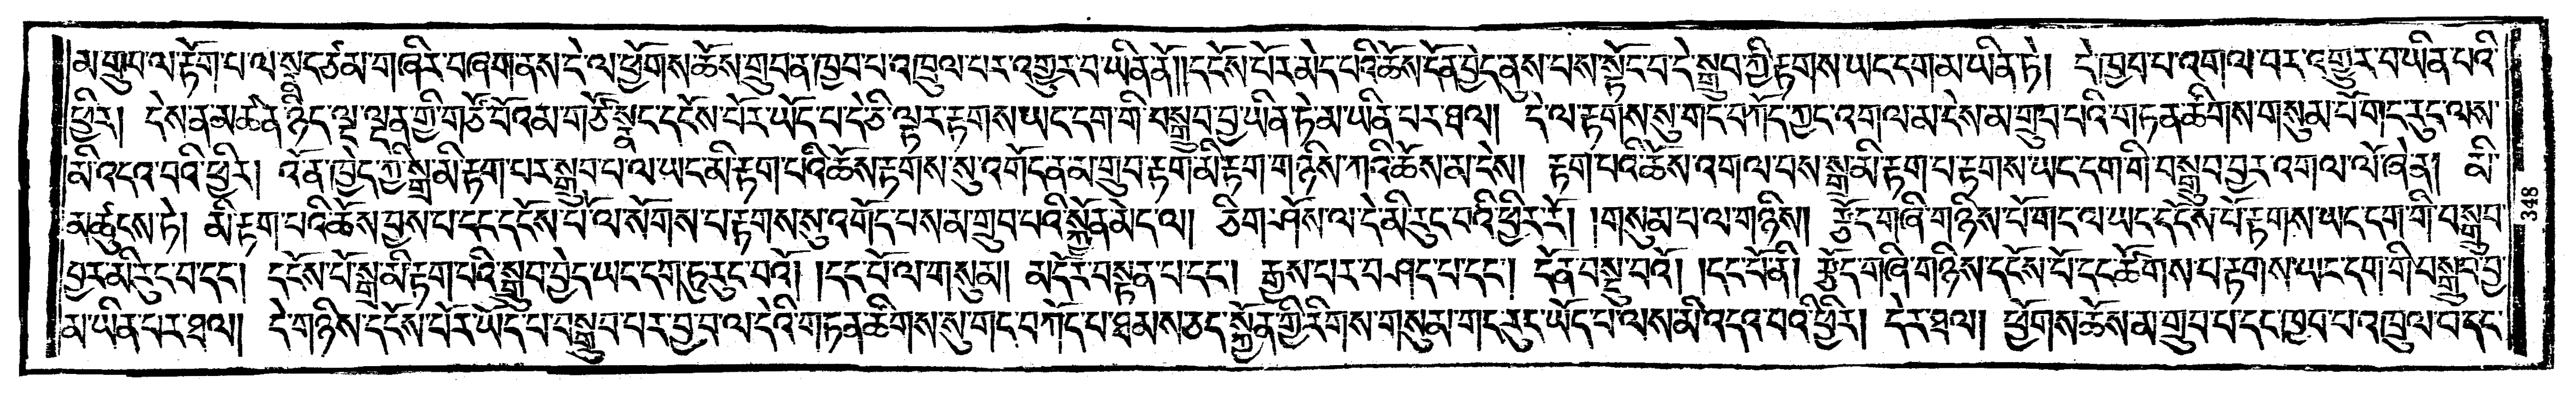མ་གྲུབ་ལ་རྟོག་པ་ལ་སྣང་ཙམ་གཞིར་བཞག་ནས་དེ་ལ་ཕྱོགས་ཆོས་གྲུབ་ན་ཁྱབ་པ་འཁྲུལ་པར་འགྱུར་བ་ཡིན་ནོ། །དངོས་པོར་མེད་པའི་ཆོས་དོན་བྱེད་ནུས་པས་སྟོང་བ་དེ་སྒྲུབ་ཀྱི་རྟགས་ཡང་དག་མ་ཡིན་ཏེ། དེ་ཁྱབ་པ་འགལ་བར་འགྱུར་བ་ཡིན་པའི་
ཕྱིར། དེས་ན་མཚན་ཉིད་ལྔ་ལྡན་གྱི་གཙོ་བོའམ་གཙོ་སྣང་དངོས་པོར་ཡོད་པ་དེ་ཅི་ལྟར་རྟགས་ཡང་དག་གི་བསྒྲུབ་བྱ་ཡིན་ཏེ་མ་ཡིན་པར་ཐལ། དེ་ལ་རྟགས་སུ་གང་བཀོད་ཀྱང་འགལ་མ་ངེས་མ་གྲུབ་པའི་གཏན་ཚིགས་གསུམ་པོ་གང་རུང་ལས་
མི་འདའ་བའི་ཕྱིར། འོ་ན་ཁྱེད་ཀྱི་སྒྲ་མི་རྟག་པར་སྒྲུབ་པ་ལ་ཡང་མི་རྟག་པའི་ཆོས་རྟགས་སུ་འགོད་ན་མ་གྲུབ་རྟག་མི་རྟག་གཉིས་ཀའི་ཆོས་མ་ངེས། རྟག་པའི་ཆོས་འགལ་བས་སྒྲ་མི་རྟག་པ་རྟགས་ཡང་དག་གི་བསྒྲུབ་བྱར་འགལ་ལོ་ཞེ་ན། མི་
མཚུངས་ཏེ། མི་རྟག་པའི་ཆོས་བྱས་པ་དང་དངོས་པོ་ལ་སོགས་པ་རྟགས་སུ་འགོད་པས་མ་གྲུབ་པའི་སྐྱོན་མེད་ལ། ཅིག་ཤོས་ལ་དེ་མི་རུང་བའི་ཕྱིར་རོ། །གསུམ་པ་ལ་གཉིས། རྩོད་གཞི་གཉིས་པོ་གང་ལ་ཡང་དངོས་པོ་རྟགས་ཡང་དག་གི་བསྒྲུབ་
བྱར་མི་རུང་བ་དང་། དངོས་པོ་སྒྲ་མི་རྟག་པའི་སྒྲུབ་བྱེད་ཡང་དག་ཏུ་རུང་བའོ། །དང་པོ་ལ་གསུམ། མདོར་བསྟན་པ་དང་། རྒྱས་པར་བཤད་པ་དང་། དོན་བསྡུ་བའོ། །དང་པོ་ནི། རྩོད་གཞི་གཉིས་དངོས་པོ་དང་ཚོགས་པ་རྟགས་ཡང་དག་གི་བསྒྲུབ་བྱ་
མ་ཡིན་པར་ཐལ། དེ་གཉིས་དངོས་པོར་ཡོད་པ་བསྒྲུབ་པར་བྱ་བ་ལ་དེའི་གཏན་ཚིགས་སུ་གང་བཀོད་པ་ཐམས་ཅད་སྐྱོན་གྱི་རིགས་གསུམ་གང་རུང་ཡོད་པ་ལས་མི་འདའ་བའི་ཕྱིར། དེར་ཐལ། ཕྱོགས་ཆོས་མ་གྲུབ་པ་དང་ཁྱབ་པ་འཁྲུལ་བ་དང་